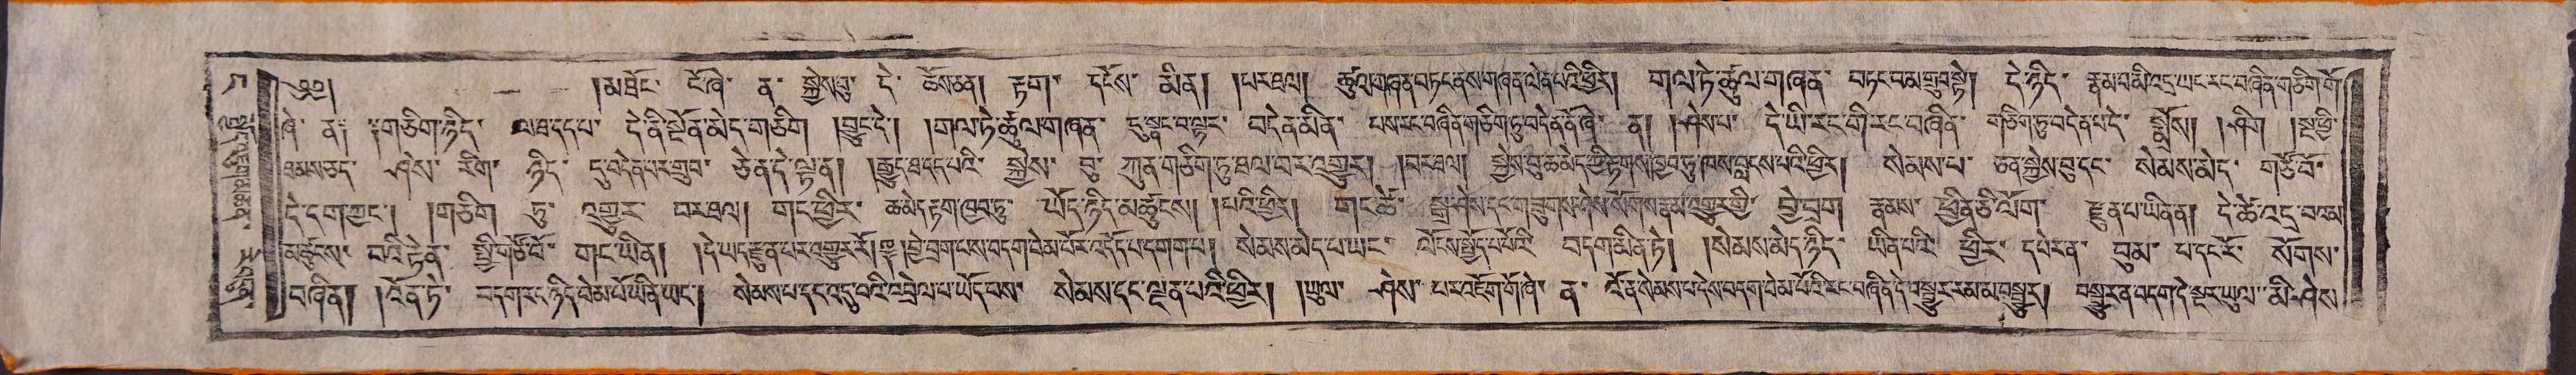༄༅། །མཐོང་ངོ་ཞེ་ན་སྐྱེས་བུ་དེ་ཆོས་ཅན། རྟག་དངོས་མིན། །པར་ཐལ། ཚུལ་གཞན་བཏང་ནས་གཞན་ལེན་པའི་ཕྱིར།  གལ་ཏེ་ཚུལ་གཞན་བཏང་བ་མ་གྲུབ་སྟེ།  དེ་ཉིད་རྣམ་པ་མི་འདྲ་ཡང་རང་བཞིན་གཅིག་གོ་
ཞེས་ན། །གཅིག་ཉིད་ལ་ཐ་དད་པ་དེ་ནི་སྔོན་མེད་གཅིག །བྱུང་ངོ། །གལ་ཏེ་ཚུལ་གཞན་དུ་སྣང་བ་ལྟར་བདེན་མིན་པས་རང་བཞིན་གཅིག་ཏུ་བདེན་ནོ་ཞེ་ན། །ཤེས་པ་དེ་ཡི་རང་གི་རང་བཞིན་གཅིག་ཏུ་བདེན་པ་དེ་སྨྲོས། །ཤིག །སྔ་ཕྱི་
ཐམས་ཅད་ཤེས་རིག་ཉིད་དུ་བདེན་པར་གྲུབ་ཅེ་ན་དེ་ལྟ་ན། །རྒྱུད་ཐ་དད་པའི་སྐྱེས་བུ་ཀུན་གཅིག་ཏུ་ཐལ་བར་འགྱུར། །པར་ཐལ། སྐྱེས་བུ་ཆ་མེད་ཀྱི་རྟགས་ཁྱབ་ཏུ་ཁས་བླངས་པའི་ཕྱིར།  སེམས་པ་ཅན་སྐྱེས་བུ་དང་སེམས་མེད་གཙོ་བོ་
དེ་དག་ཀྱང་། །གཅིག་ཏུ་འགྱུར་པར་ཐལ། གང་ཕྱིར་ཆ་མེད་རྟག་ཁྱབ་ཏུ་ཡོད་ཉིད་མཚུངས། །པའི་ཕྱིར།  གང་ཚེ་སྒྲ་ཤེས་དང་གཟུགས་ཤེས་སོགས་རྣམ་འགྱུར་གྱི་བྱེ་བྲག་རྣམས་ཕྱིན་ཅི་ལོག་རྫུན་པ་ཡིན་ན། དེ་ཚེ་འདྲ་བའམ་
མཚུངས་བའི་རྟེན་སྤྱི་གཙོ་བོ་གང་ཡིན། །དེ་ཡང་རྫུན་པར་འགྱུར་རོ། ༈ །བྱེ་བྲག་པས་བདག་བེམ་པོར་འདོད་པ་དགག་པ།  སེམས་མེད་བ་ཡང་ལོངས་སྤྱོད་པ་པོའི་བདག་མིན་ཏེ། །སེམས་མེད་ཉིད་ཡིན་པའི་ཕྱིར་དཔེར་ན་བུམ་པ་དང་རོ་སོགས་
བཞིན། །འོན་ཏེ། བདག་རང་ཉིད་བེམ་པོ་ཡིན་ཡང་། སེམས་པ་དང་འདུ་བའི་འབྲེལ་པ་ཡོད་པས་སེམས་ངང་ལྡན་པའི་ཕྱིར། །ཡུལ་ཤེས་པར་འཇོག་གོ་ཞེ་ན་འོ་ན་སེམས་པ་དེས་བདག་བེམ་པོའི་རང་བཞིན་དེ་བསྒྱུར་རམ་མ་བསྒྱུར། བསྒྱུར་ན་བདག་དེ་སྔར་ཡུལ་མི་ཤེས་